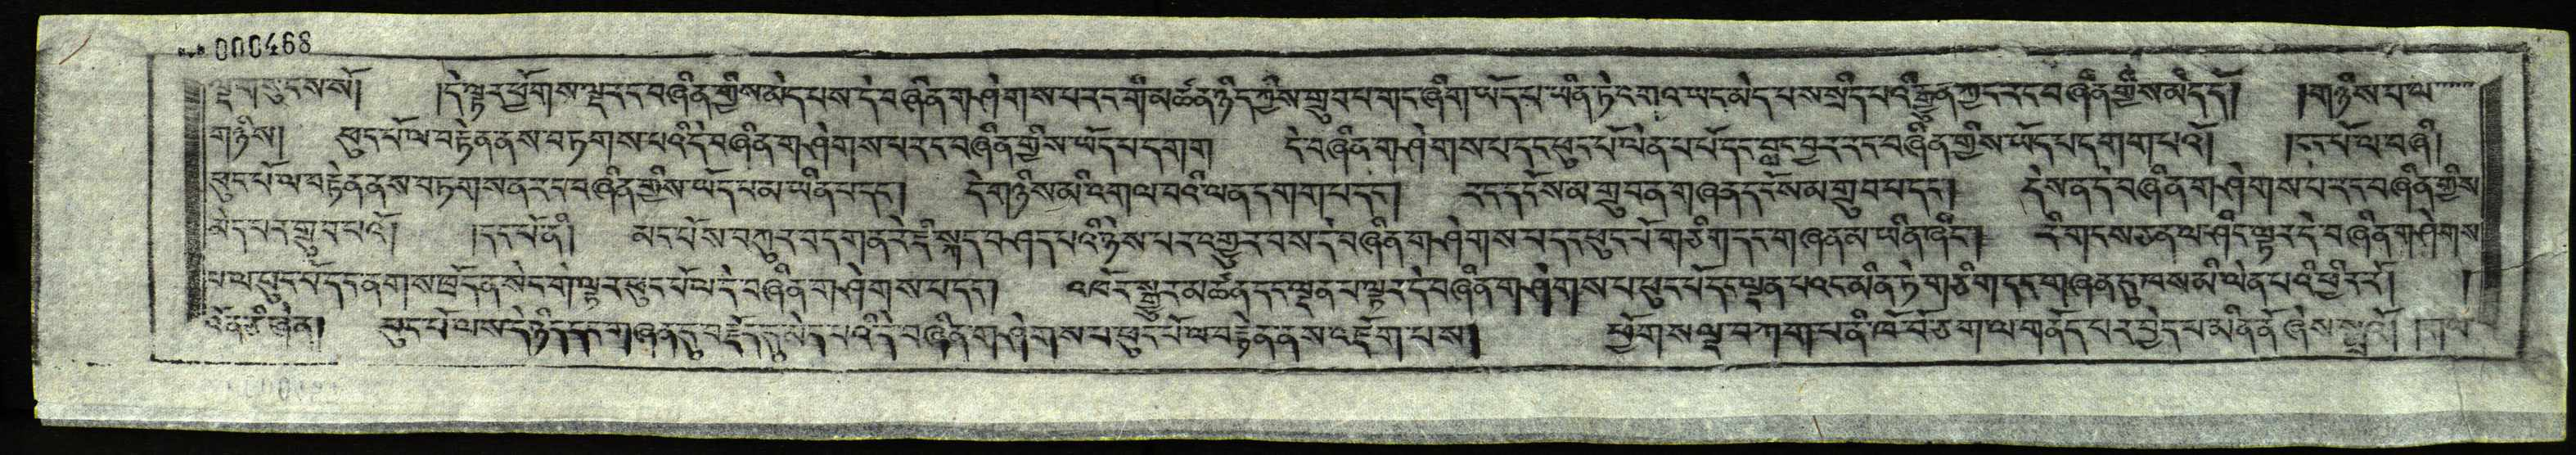ལྔ་གསུངས་སོ། །དེ་ལྟར་ཕྱོགས་ལྔ་རང་བཞིན་གྱིས་མེད་པས་དེ་བཞིན་གཤེགས་པ་རང་གི་མཚན་ཉིད་ཀྱིས་གྲུབ་པ་གང་ཞིག་ཡོད་པ་ཡིན་ཏེ་འགའ་ཡང་མེད་པས་སྲིད་པའི་རྒྱུན་ཀྱང་རང་བཞིན་གྱིས་མེད་དོ། །གཉིས་པ་ལ་
གཉིས། ཕུང་པོ་ལ་བརྟེན་ནས་བཏགས་པའི་དེ་བཞིན་གཤེགས་པ་རང་བཞིན་གྱིས་ཡོད་པ་དགག་དེ་བཞིན་གཤེགས་པ་དང་ཕུང་པོ་ལེན་པ་པོ་དང་བླང་བྱར་རང་བཞིན་གྱིས་ཡོད་པ་དགག་པའོ། །དང་པོ་ལ་བཞི།
ཕུང་པོ་ལ་བརྟེན་ནས་བཏགས་ན་རང་བཞིན་གྱིས་ཡོད་པ་མ་ཡིན་པ་དང་། དེ་གཉིས་མི་འགལ་བའི་ལན་དགག་པ་དང་། རང་དངོས་མ་གྲུབ་ན་གཞན་དངོས་མ་གྲུབ་པ་དང་། དེས་ན་དེ་བཞིན་གཤེགས་པ་རང་བཞིན་གྱིས་
མེད་པར་གྲུབ་པའོ། །དང་པོ་ནི། མང་པོས་བཀུར་བ་དག་ན་རེ་ཇི་སྐད་བཤད་པའི་ཉེས་པར་འགྱུར་བས་དེ་བཞིན་གཤེགས་པ་དང་ཕུང་པོ་གཅིག་དང་གཞན་མ་ཡིན་ཞིང་། རི་གངས་ཅན་ལ་ཤིང་ལྟར་དེ་བཞིན་གཤེགས་
པ་ལ་ཕུང་པོ་དང་ནགས་ཁྲོད་ན་སེང་གེ་ལྟར་ཕུང་པོ་ལ་དེ་བཞིན་གཤེགས་པ་དང་། འཁོར་སྒྱུར་མཚན་དང་ལྡན་པ་ལྟར་དེ་བཞིན་གཤེགས་པ་ཕུང་པོ་དང་ལྡན་པའང་མིན་ཏེ་གཅིག་དང་གཞན་དུ་ཁས་མི་ལེན་པའི་ཕྱིར་རོ། །
འོ་ན་ཅི་ཞེ་ན། ཕུང་པོ་ལས་དེ་ཉིད་དང་གཞན་དུ་བརྗོད་དུ་མེད་པའི་དེ་བཞིན་གཤེགས་པ་ཕུང་པོ་ལ་བརྟེན་ནས་འཇོག་པས། ཕྱོགས་ལྔ་བཀག་པ་ནི་ཁོ་བོ་ཅག་ལ་གནོད་པར་བྱེད་པ་མིན་ནོ་ཞེས་སྨྲའོ། །གལ་